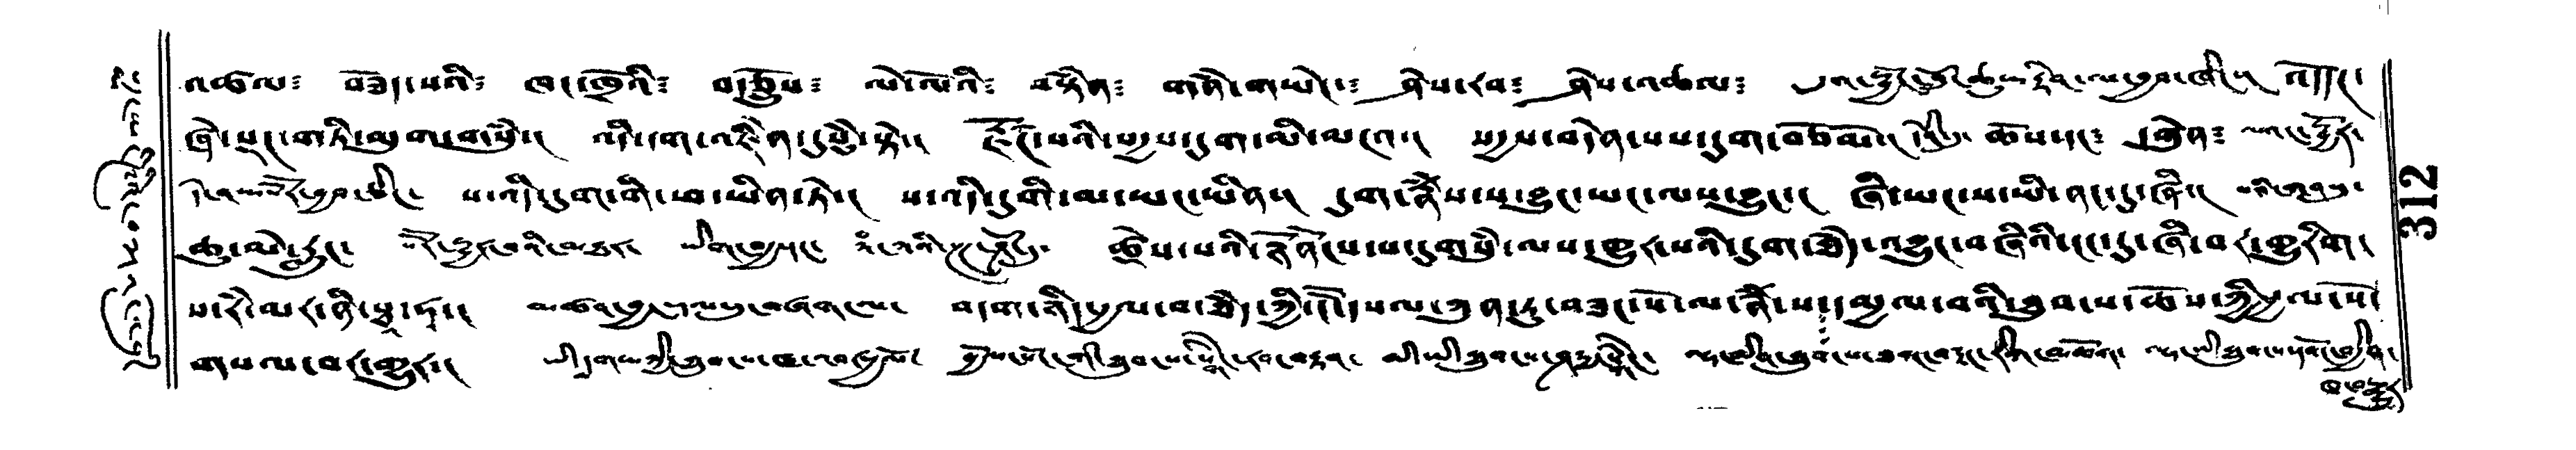འཆལ༴ བཟོད་པའི༴ ཁོང་ཁྲོའི༴ བརྩོན་གྲུས༴ ལེ་ལོའི༴ བསམ་གཏན༴ གནམ་གཡེང༴ ཤེས་རབ༴ ཤེས་འཆལ༴ དུག་སྦྱོང་བུམ་ཆུས་རྟེན་ལ་བྱབ་ཅིང་། འདོད་ཆགས་
ཞེ་སྡང་གཏི་མུག་གསུམ། །འདི་དག་འཇིག་རྟེན་དུག་གསུམ་སྟེ། རྫོགས་པའི་སངས་རྒྱས་དུག་མི་མངའ། །སངས་རྒྱས་བདེན་པས་དུག་བཅོམ་མོ། དེའི་དོན་དུ། ཆོས་དང༴ དགེ་འདུན༴ ལའང་སྦྱར། 
དེ་ནས་སོ་སོར་བྱབ་ཅིང་། ས་འདི་དུག་གི་ཕ་ཡིན་ཏེ། །ས་འདི་དུག་གི་མ་ཡང་ཡིན། །དུག་རྣམས་བྱུང་ཡངས་ལས་བྱུང་། །ཞི་ཡང་ས་ཡི་ནང་དུ་ཞི། སའི་གནས་སུ། 
ཆུ། མེ། རླུང་། སོ་སོར་སྦྱར་བའི་མཐར། ཡིག་བརྒྱ་དང་། ཀཾ་ཀའི་སྔགས་གཤམ་དུ། ཚེ་ལས་འདས་པའི་ཉོན་མོངས་པ་དུག་གསུམ་དུ་གྱུར་པའི་དུག་ཐམས་ཅད་འབྱུང་བ་བཞིའི་ངང་དུ་ཞི་བར་གྱུར་ཅིག 
ས་རཾ་མར་ནི་སྭ་ཧཱ། མཚན་བྱང་དལ་དུ་བཞག་ལ། བདག་ཉིད་རྒྱལ་བ་ཐམས་ཅད་ཀྱི་ངོ་བོ་དཔལ་ཀུན་ཏུ་བཟང་པོ་ལ་རྣམ་པ་དམྱལ་བའི་ཐུབ་པ་ཆོས་ཀྱི་རྒྱལ་པོར་
གསལ་བར་གྱུར། ཡི་དྭགས་ཀྱི་ཐུབ་པ་ཁ་འབར་རྒྱལ་པོ། བྱོལ་སོང་གི་ཐུབ་པ་སེང་གེ་རབ་བརྟན། མི་ཡི་ཐུབ་པ་ཤཀྱ་སེང་གེ ལྷ་མིན་ཐུབ་པ་ཐག་བཟང་རིས། ལྷ་ཡི་ཐུབ་པ་དབང་པོ་བརྒྱ་བྱིན། ཁ་བསྒྱུར།